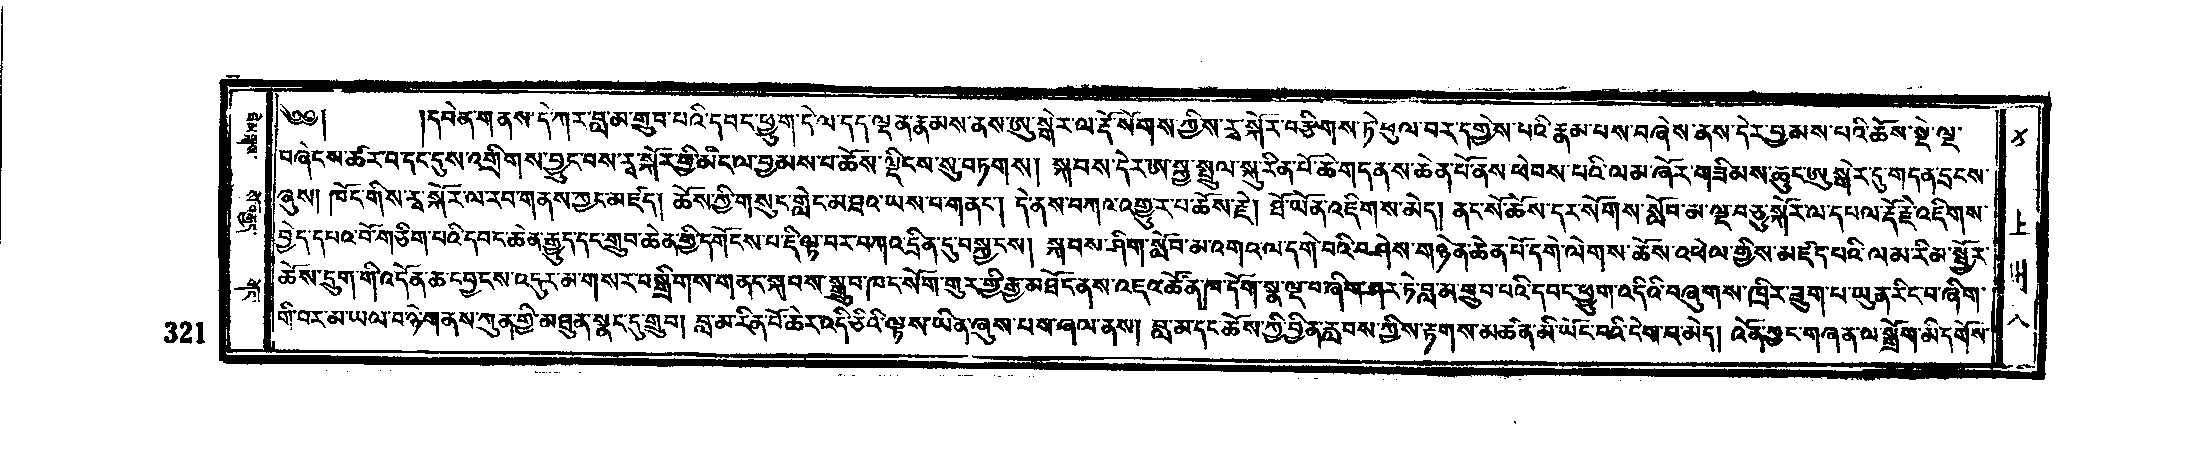༄༅། །དབེན་གནས་དེ་ཀར་བླ་མ་གྲུབ་པའི་དབང་ཕྱུག་དེ་ལ་དད་ལྡན་རྣམས་ནས་ཨུ་སྒེར་ལ་རྡོ་སོགས་ཀྱིས་རྭ་སྐོར་བརྩིགས་ཏེ་ཕུལ་བར་དགྱེས་པའི་རྣམ་པས་བཞེས་ནས་དེར་བྱམས་པའི་ཆོས་སྡེ་ལྔ་
བཞེངས་ཚར་བ་དང་དུས་འགྲིགས་བྱུང་བས་རྭ་སྐོར་གྱི་མིང་ལ་བྱམས་པ་ཆོས་ལྡིངས་སུ་བཏགས། སྐབས་དེར་ཨ་སྐྱ་སྤྲུལ་སྐུ་རིན་པོ་ཆེ་གདན་ས་ཆེན་པོ་ནས་ཕེབས་པའི་ལམ་ཞོར་གཟིམས་ཆུང་ཨུ་སྒེར་དུ་གདན་དྲངས་
ཞུས། ཁོང་གིས་རྭ་སྐོར་ལ་རབ་གནས་ཀྱང་མཛད། ཆོས་ཀྱི་གསུང་གླེང་མཐའ་ཡས་པ་གནང་། དེ་ནས་བཀའ་འགྱུར་པ་ཆོས་རྗེ། ཐོ་ཡོན་འཇིགས་མེད། ནང་སོ་ཆོས་དར་ཆོས་སློབ་མ་ལྔ་བཅུ་སྐོར་ལ་དཔལ་རྡོ་རྗེ་འཇིགས་
བྱེད་དཔའ་བོ་གཅིག་པའི་དབང་ཆེན་རྒྱུད་དང་གྲུབ་ཆེན་གྱི་དགོངས་པ་ཇི་ལྟ་བར་བཀའ་དྲིན་དུ་བསྐྱངས། སྐབས་ཤིག་སློབ་མ་འགའ་ལ་དགེ་བའི་བཤེས་གཉེན་ཆེན་པོ་དགེ་ལེགས་ཆོས་འཕེལ་གྱིས་མཛད་པའི་ལམ་རིམ་སྦྱོར་
ཆོས་དྲུག་གི་འདོན་ཆ་དབྱངས་འདུར་མ་གསར་བསྒྲིགས་གནང་སྐབས་སྒྲུབ་ཁང་སོག་གུར་གྱི་རྒྱ་མཐོང་ནས་འཇའ་ཚོན་ཁ་དོག་སྣ་ལྔ་པ་ཞིག་ཤར་ཏེ་བླ་མ་གྲུབ་པའི་དབང་ཕྱུག་འདིའི་བཞུགས་ཁྲིར་ཟུག་པ་ཡུན་རིང་བ་ཞིག་
གི་བར་མ་ཡལ་བ་ཉེ་གནས་ཀུན་གྱི་མཐུན་སྣང་དུ་གྲུབ། བླ་མ་རིན་པོ་ཆེར་འདི་ཅིའི་ལྟས་ཡིན་ཞུས་པས་ཞལ་ནས། བླ་མ་དང་ཆོས་ཀྱི་བྱིན་རླབས་ཀྱིས་རྟགས་མཚན་མི་ཡོང་བའི་ངེས་པ་མེད། འོན་ཀྱང་གཞན་ལ་སྒྲོག་མི་དགོས་